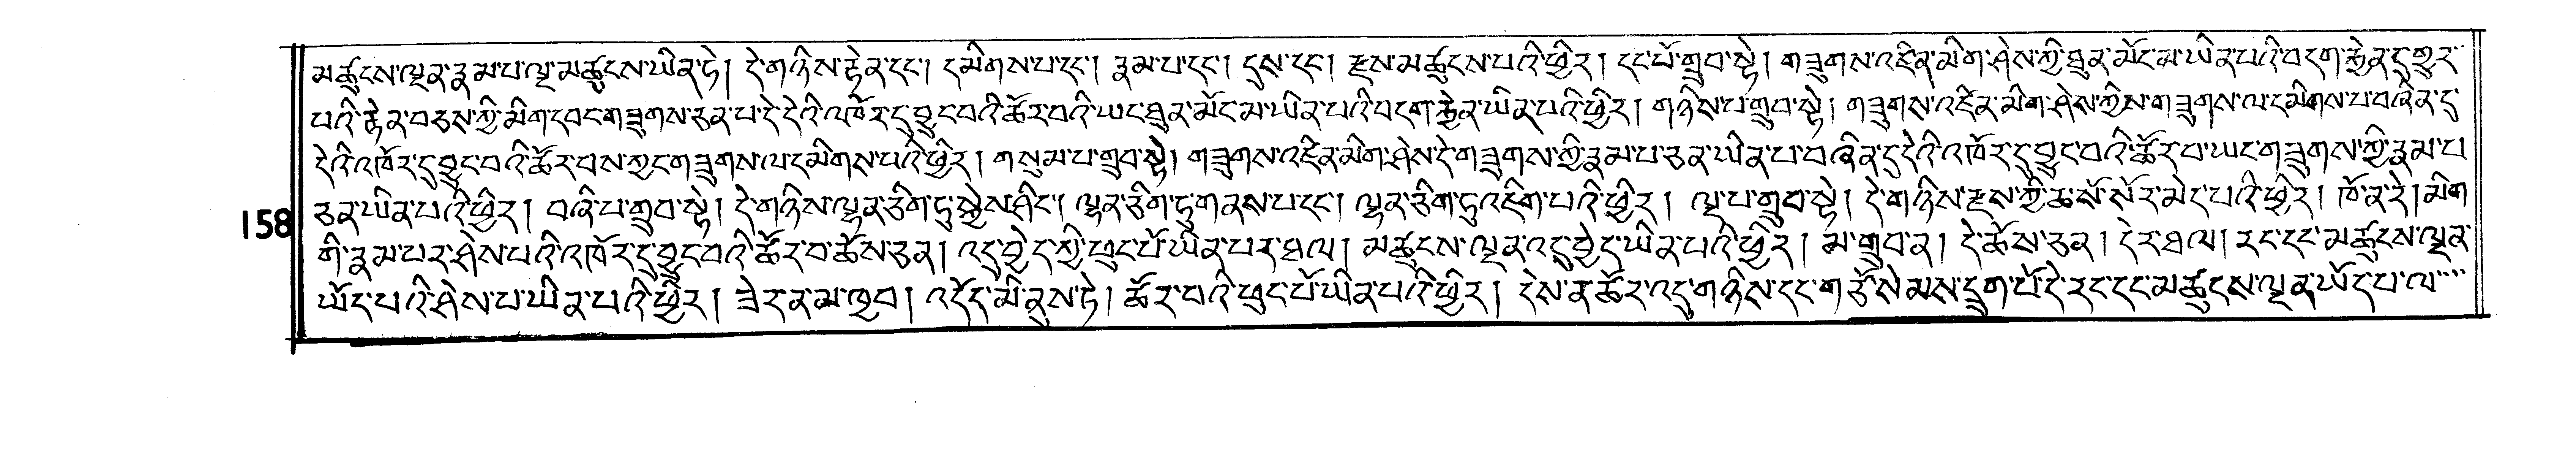མཚུངས་ལྡན་རྣམ་པ་ལྔ་མཚུངས་ཡིན་ཏེ། དེ་གཉིས་རྟེན་དང་། དམིགས་པ་དང་། རྣམ་པ་དང་། དུས་དང་། རྫས་མཚུངས་པའི་ཕྱིར། དང་པོ་གྲུབ་སྟེ། གཟུགས་འཛིན་མིག་ཤེས་ཀྱི་ཐུན་མོང་མ་ཡིན་པའི་བདག་རྐྱེན་དུ་གྱུར་
པའི་རྟེན་བཅས་ཀྱི་མིག་དབང་གཟུགས་ཅན་པ་དེ་དེའི་འཁོར་དུ་བྱུང་བའི་ཚོར་བའི་ཡང་ཐུན་མོང་མ་ཡིན་པའི་བདག་རྐྱེན་ཡིན་པའི་ཕྱིར། གཉིས་པ་གྲུབ་སྟེ། གཟུགས་འཛིན་མིག་ཤེས་ཀྱིས་གཟུགས་ལ་དམིགས་པ་བཞིན་དུ་
དེའི་འཁོར་དུ་བྱུང་བའི་ཚོར་བས་ཀྱང་གཟུགས་ལ་དམིགས་པའི་ཕྱིར། གསུམ་པ་གྲུབ་སྟེ། གཟུགས་འཛིན་མིག་ཤེས་དེ་གཟུགས་ཀྱི་རྣམ་པ་ཅན་ཡིན་པ་བཞིན་དུ་དེའི་འཁོར་དུ་བྱུང་བའི་ཚོར་བ་ཡང་གཟུགས་ཀྱི་རྣམ་པ་
ཅན་ཡིན་པའི་ཕྱིར། བཞི་པ་གྲུབ་སྟེ། དེ་གཉིས་ལྷན་ཅིག་ཏུ་སྐྱེས་ཤིང་། ལྷན་ཅིག་ཏུ་གནས་པ་དང་། ལྷན་ཅིག་ཏུ་འཇིག་པའི་ཕྱིར། ལྔ་པ་གྲུབ་སྟེ། དེ་གཉིས་རྫས་ཀྱི་ཆ་སོ་སོར་མེད་པའི་ཕྱིར། ཁོ་ན་རེ། མིག་
གི་རྣམ་པར་ཤེས་པའི་འཁོར་དུ་བྱུང་བའི་ཚོར་བ་ཆོས་ཅན། འདུ་བྱེད་ཀྱི་ཕུང་པོ་ཡིན་པར་ཐལ། མཚུངས་ལྡན་འདུ་བྱེད་ཡིན་པའི་ཕྱིར། མ་གྲུབ་ན། དེ་ཆོས་ཅན། དེར་ཐལ། རང་དང་མཚུངས་ལྡན་
ཡོད་པའི་ཤེས་པ་ཡིན་པའི་ཕྱིར། ཟེར་ན་མ་ཁྱབ། འདོད་མི་ནུས་ཏེ། ཚོར་བའི་ཕུང་པོ་ཡིན་པའི་ཕྱིར། དེས་ན་ཚོར་འདུ་གཉིས་དང་གཙོ་སེམས་དྲུག་པོ་དེ་རང་དང་མཚུངས་ལྡན་ཡོད་པ་ལ་